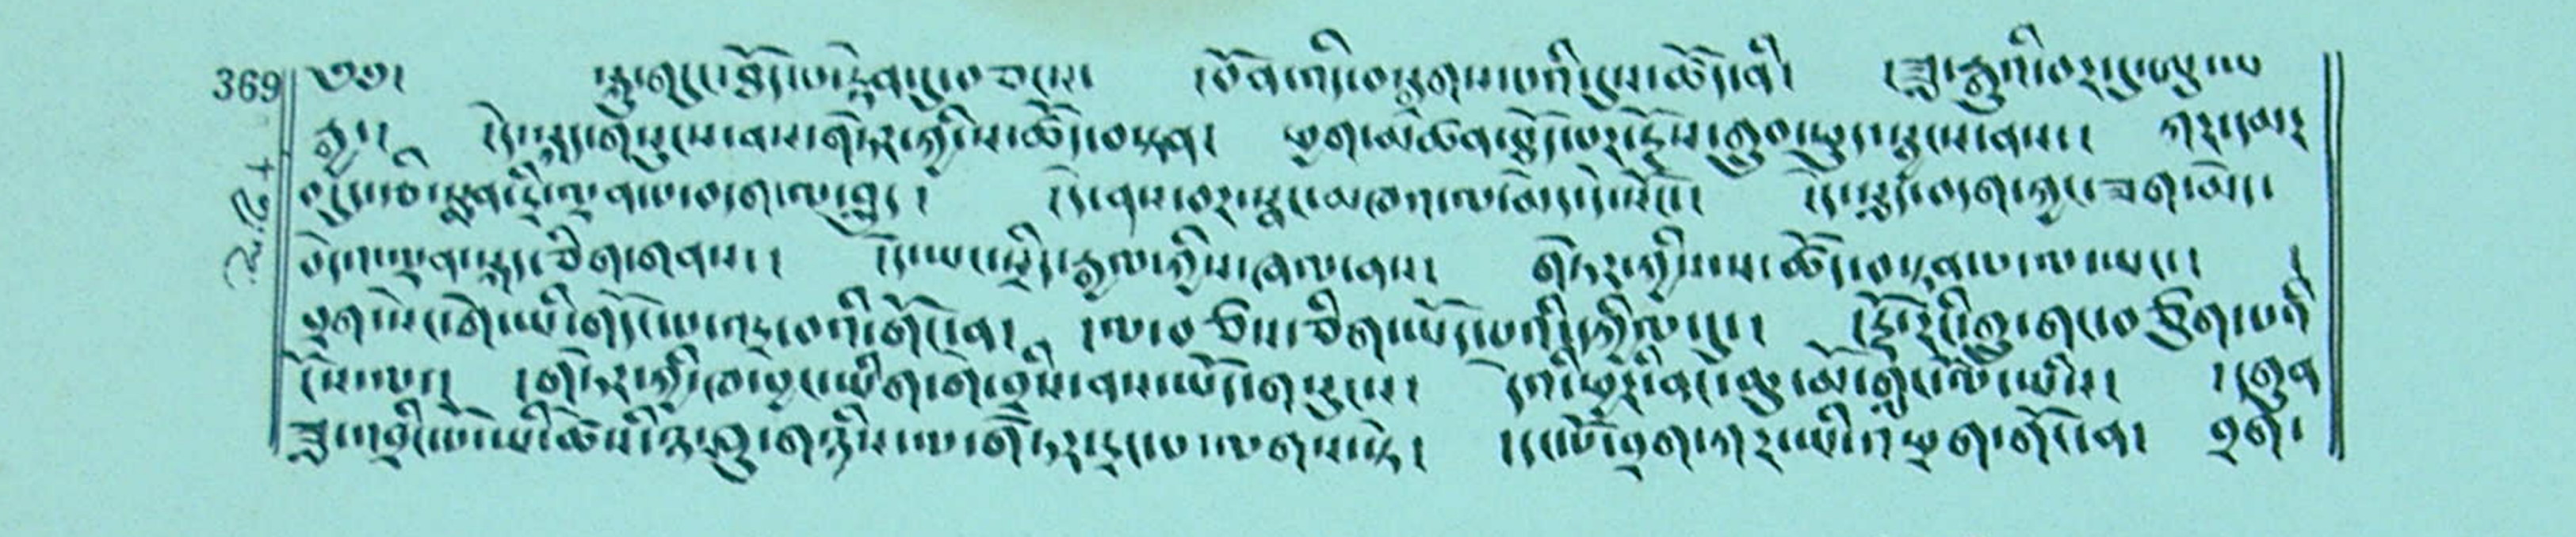༄༅། །སྐུ་གདུང་ཐོད་པ་རྟེན་དུ་བཅངས། བོན་འདི་བསྒྲགས་པའི་དུས་ཚོད་ནི། ཟླ་རྒུའི་བར་དུ་ཨུ་ཡ་
རྒྱ། དེ་སྐད་གསུངས་ནས་གཏེར་གྱི་ས་ཚོད་བསྟན། ཕྱག་མཚན་ཐོད་པར་རྔོས་གྲུབ་ཕུད་སྦྱངས་ནས། དཀར་མངར་
བདུད་རྩི་སྨན་དྲི་ལྡན་པ་བདག་ལ་བླུད། དེ་ནས་བར་སྣང་མཁའ་ལ་མེད་དེ་སོང་། དེ་སླད་བདག་ཀྱང་ཟག་མེད་
བདེའ་ལྡན་སྐད་ཅིག་གནས། དེ་ཡང་སྲིད་རྒྱལ་གྱིས་ཞལ་ནས། གཏེར་གྱིས་ས་ཚོད་བསྟན་པ་ལ་ཡང་། 
བྲག་སེང་གེ་ཡི་གདོང་པ་འདྲ་བའི་གོང་ན། ལ་བཙས་ཅིག་ཡོད་པའི་དཀྱིལ་དུ། རྡོ་རིང་གྲུ་གང་གཙུག་པའི་
ངོས་ལ། གཏེར་གྱི་ཁ་བྱང་ཡིག་ག་བྲིས་ནས་ཡོད་གསུངས། དེའི་ཕྱིར་ནང་ཆུ་མོ་གླང་ལོ་ཡིས། དགུན་
ཟླ་འབྲིང་བོ་ཡི་ཚེས་ཉི་ཤུ་གཉིས་ལ་གཏེར་དྲང་པ་ལགས་ཏེ། དང་པོ་བྲག་དཀར་གྱི་འཕྲག་གོང་ན། བྲག་